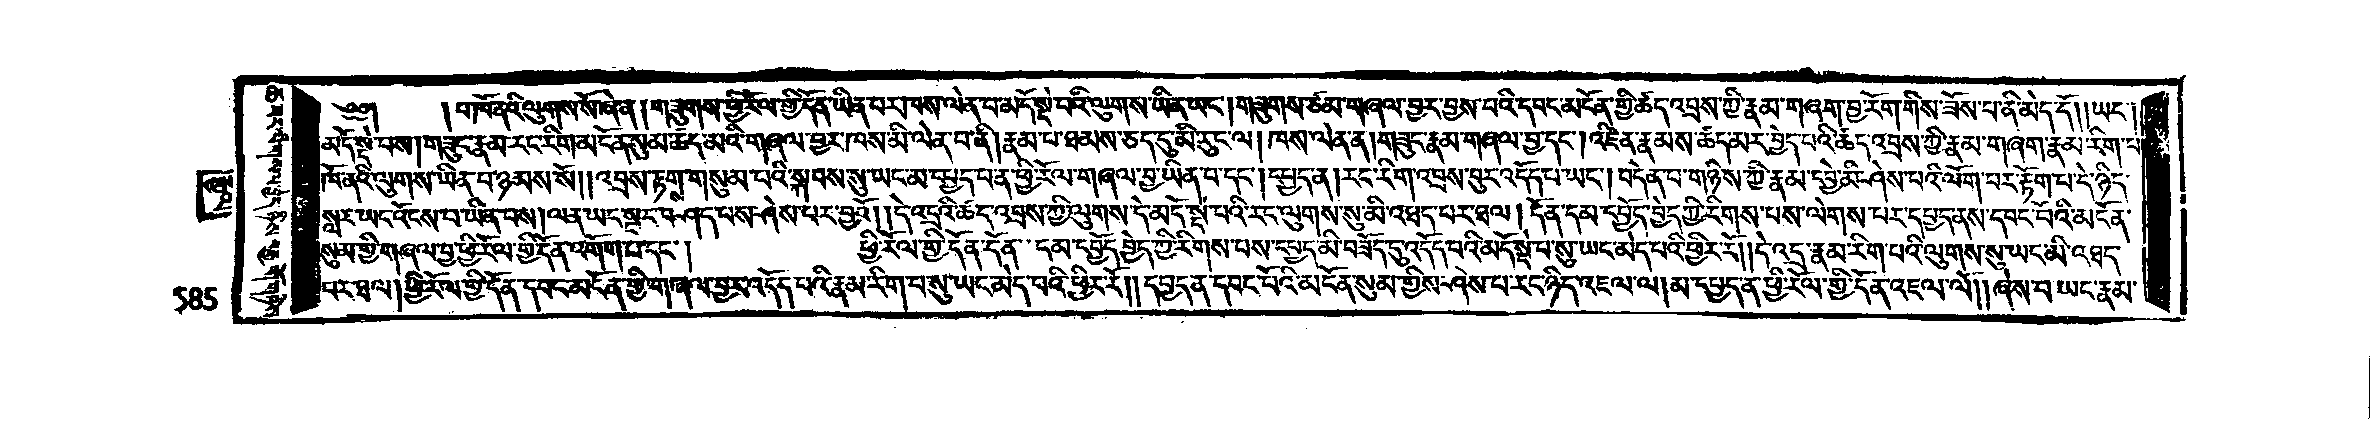༄༅། །པ་ཁོ་ནའི་ལུགས་སོ་ཞེ་ན། གཟུགས་ཕྱི་རོལ་གྱི་དོན་ཡིན་པར་ཁས་ལེན་པ་མདོ་སྡེ་པའི་ལུགས་ཡིན་ཡང་། གཟུགས་ཙམ་གཞལ་བྱར་བྱས་པའི་དབང་མངོན་གྱི་ཚད་འབྲས་ཀྱི་རྣམ་གཞག་བྱ་རོག་གིས་ཟོས་པ་ནི་མེད་དོ། །ཡང་།
མདོ་སྡེ་པས། གཟུང་རྣམ་རང་རིག་མངོན་སུམ་ཚད་མའི་གཞལ་བྱར་ཁས་མི་ལེན་པ་ནི། རྣམ་པ་ཐམས་ཅད་དུ་མི་རུང་ལ། ཁས་ལེན་ན། གཟུང་རྣམ་གཞལ་བྱ་དང་། འཛིན་རྣམས་ཚད་མར་བྱེད་པའི་ཚད་འབྲས་ཀྱི་རྣམ་གཞག་རྣམ་རིག་པ་
ཁོ་ནའི་ལུགས་ཡིན་པ་ཉམས་སོ། །འབྲས་རྟགས་གསུམ་པའི་སྐབས་སུ་ཡང་མ་དཔྱད་པ་ན་ཕྱི་རོལ་གཞལ་བྱ་ཡིན་པ་དང་། དཔྱད་ན། རང་རིག་འབྲས་བུར་འདོད་པ་ཡང་། བདེན་པ་གཉིས་ཀྱི་རྣམ་དབྱེ་མི་ཤེས་པའི་ལོག་པར་རྟོག་པ་དེ་ཉིད་
སླར་ཡང་འོངས་པ་ཡིན་པས། ལན་ཡང་སྔར་བཤད་པས་ཤེས་པར་བྱའོ། །དེ་འདྲའི་ཚད་འབྲས་ཀྱི་ལུགས་དེ་མདོ་སྡེ་པའི་རང་ལུགས་སུ་མི་འཐད་པར་ཐལ། དོན་དམ་དཔྱོད་བྱེད་ཀྱི་རིགས་པས་ལེགས་པར་དཔྱད་ནས་དབང་པོའི་མངོན་
སུམ་གྱི་གཞལ་བྱ་ཕྱི་རོལ་གྱི་དོན་འགོག་པ་དང་། །ཕྱི་རོལ་གྱི་དོན་དམ་དཔྱོད་བྱེད་ཀྱི་རིགས་པས་དཔྱད་མི་བཟོད་དུ་འདོད་པའི་མདོ་སྡེ་པ་སུ་ཡང་མེད་པའི་ཕྱིར་རོ། །དེ་འདྲ་རྣམ་རིག་པའི་ལུགས་སུ་ཡང་མི་འཐད་
པར་ཐལ། ཕྱི་རོལ་གྱི་དོན་དབང་མངོན་གྱི་གཞལ་བྱར་འདོད་པའི་རྣམ་རིག་པ་སུ་ཡང་མེད་པའི་ཕྱིར་རོ། །དཔྱད་ན་དབང་པོའི་མངོན་སུམ་གྱིས་ཤས་པ་རང་ཉིད་འཇལ་ལ། མ་དཔྱད་ན་ཕྱི་རོལ་གྱི་དོན་འཇལ་ལོ། །ཞེས་པ་ཡང་རྣམ་